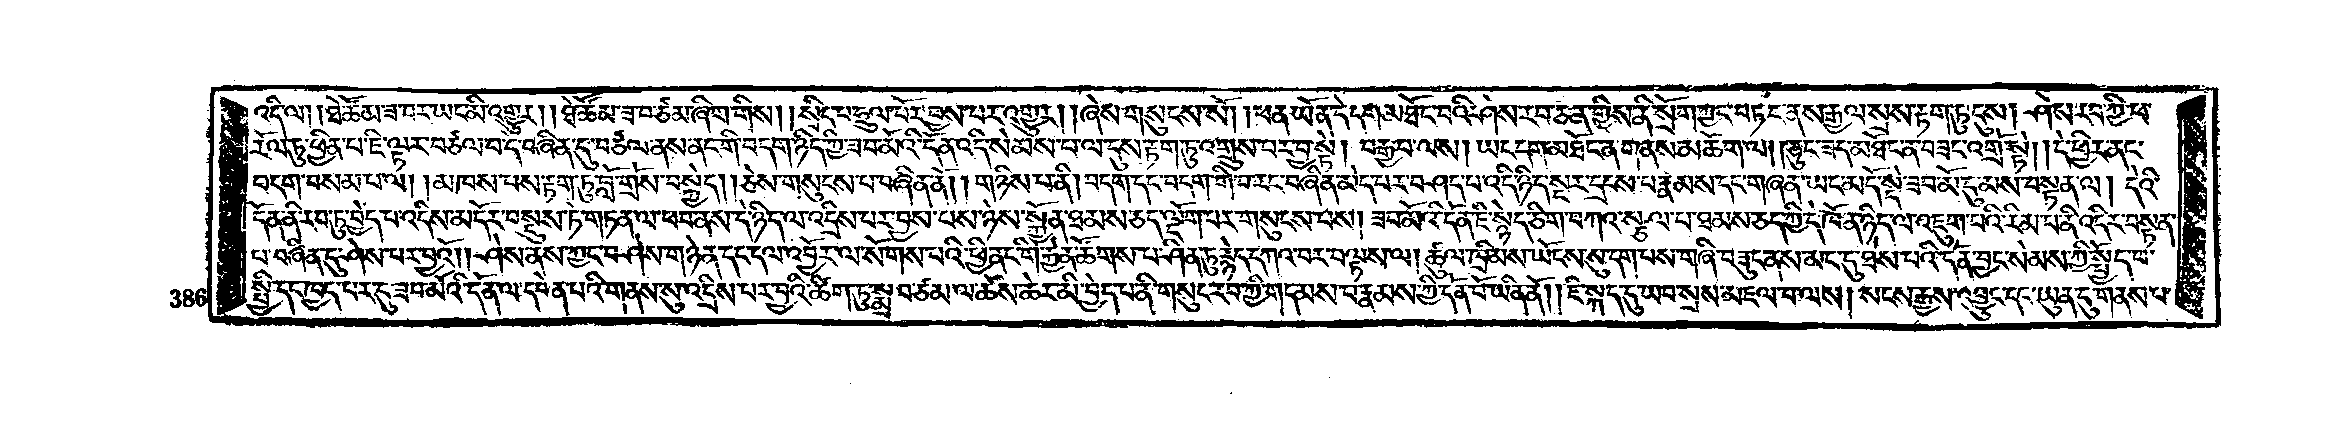འདི་ལ། །ཐེ་ཚོམ་ཟ་བར་ཡང་མི་འགྱུར། །ཐེ་ཚོམ་ཟ་བ་ཙམ་ཞིག་གིས། །སྲིད་པ་ཧྲུལ་པོར་བྱས་པར་འགྱུར། །ཞེས་གསུངས་སོ། །ཕན་ཡོན་དེ་དག་མཐོང་བའི་ཤེས་རབ་ཅན་གྱིས་ནི་སྲོག་ཀྱང་བཏང་ནས་རྒྱལ་སྲས་རྟག་ཏུ་དུས། ཤས་རབ་ཀྱི་ཕ་
རོལ་ཏུ་ཕྱིན་པ་ཇི་ལྟར་བཙལ་བ་དེ་བཞིན་དུ་བཙལ་ནས་ནང་གི་བདག་ཉིད་ཀྱི་ཟབ་མོའི་དོན་འདི་སེམས་པ་ལ་དུས་རྟག་ཏུ་འགྲུས་པར་བྱ་སྟེ། བརྒྱ་པ་ལས། ཡང་དག་མཐོང་ན་གནས་མཆོག་ལ། །ཅུང་ཟད་མཐོང་ན་བཟང་འགྲོ་སྟེ། །དེ་ཕྱིར་ནང་
བདག་བསམ་པ་ལ། །མཁས་པས་རྟག་ཏུ་བློ་གྲོས་བསྐྱེད། །ཅེས་གསུངས་པ་བཞིན་ནོ། །གཉིས་པ་ནི། བདག་དང་བདག་གི་བ་རང་བཞིན་མེད་པར་བཤད་པ་འདི་ཉིད་སྔར་དྲངས་པ་རྣམས་དང་གཞན་ཡང་མདོ་སྡེ་ཟབ་མོ་དུ་མས་བསྟན་ལ། དེའི་
དོན་ནི་རབ་ཏུ་བྱེད་པ་འདིས་མདོར་བསྡུས་ཏེ་གཏན་ལ་ཕབ་ནས་དེ་ཉིད་ལ་འདྲིས་པར་བྱས་པས་ཉེས་སྐྱོན་ཐམས་ཅད་ལྡོག་པར་གསུངས་པས། ཟབ་མོའི་དོན་ཇི་སྙེད་ཅིག་བཀའ་སྩལ་པ་ཐམས་ཅད་ཀྱི་དེ་ཁོ་ན་ཉིད་ལ་འཇུག་པའི་རིམ་པ་ནི་འདིར་བསྟན་
པ་བཞིན་དུ་ཤེས་པར་བྱའོ། །ཤེས་ནས་ཀྱང་བཤེས་གཉེན་དང་ངལ་འབྱོར་ལ་སོགས་པའི་ཕྱི་ནང་གི་རྐྱེན་ཚོགས་པ་ཤིན་ཏུ་རྙེད་དཀའ་བར་བལྟས་ལ། ཚུལ་ཁྲིམས་ཡོངས་སུ་དག་པས་གཞི་བཟུང་ནས་མང་དུ་ཐོས་པའི་དོན་བྱང་སེམས་ཀྱི་སྤྱོད་པ་
སྤྱི་དང་ཁྱད་པར་དུ་ཟབ་མའི་དོན་ལ་དབེན་པའི་གནས་སུ་འདྲིས་པར་བྱའི་ཚིག་ཏུ་སྨྲ་བཅམ་ལ་ཆེས་ཆེར་མི་བྱེད་པ་ནི་གསུང་རབ་ཀྱི་གདམས་པ་རྣམས་ཀྱི་དོན་པོ་ཡིན་ནོ། །ཇི་སྐད་དུ་ཡབ་སྲས་མཇལ་བ་ལས། སངས་རྒྱས་འབྱུང་དང་ཡུན་དུ་གནས་པ་